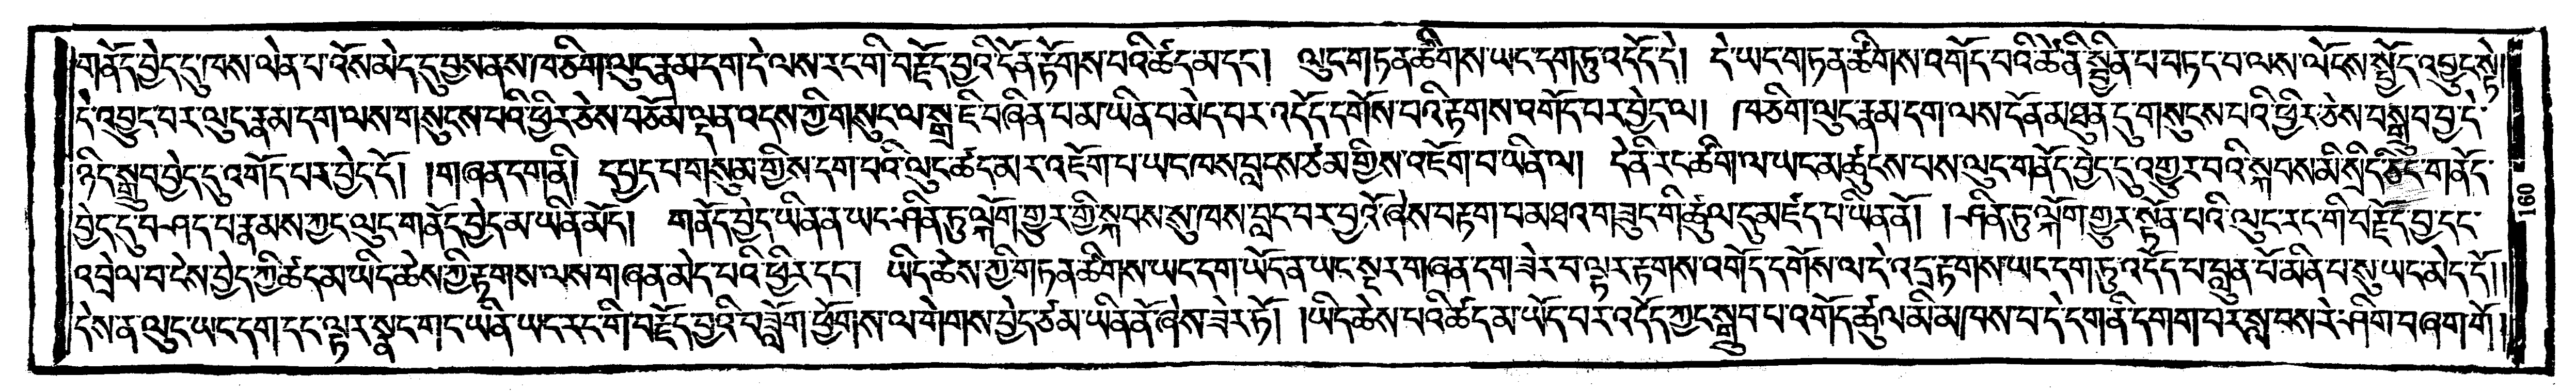གནོད་བྱེད་དུ་ཁས་ལེན་པའོས་མེད་དུ་བྱས་ནས་ཁ་ཅིག་ལུང་རྣམ་དག་དེ་ལས་རང་གི་བརྗོད་བྱའི་དོན་རྟོགས་པའི་ཚད་མ་དང་། ལུང་ཏན་ཚིགས་ཡང་དག་ཏུ་འདོད་དེ། དེ་ཡང་གཏན་ཚིགས་འགོད་པའི་ཚེ་ནི་སྦྱིན་པ་བཏང་བ་ལས་ལོངས་སྤྱོད་འབྱུང་སྟེ།
དེ་འབྱུང་བར་ལུང་རྣམ་དག་ལས་གསུངས་པའི་ཕྱིར་ཅེས་བཅོམ་ལྡན་འདས་ཀྱི་གསུང་ལ་སྒྲ་ཇི་བཞིན་པ་མ་ཡིན་པ་མེད་པར་འདོད་དགོས་པའི་རྟགས་འགོད་པར་བྱེད་ལ། ཁ་ཅིག་ལུང་རྣམ་དག་ལས་དོན་མཐུན་དུ་གསུངས་པའི་ཕྱིར་ཅེས་བསྒྲུབ་བྱ་དེ་
ཉིད་སྒྲུབ་བྱེད་དུ་འགོད་པར་བྱེད་དོ། །གཞན་དག་ནི། དཔྱད་པ་གསུམ་གྱིས་དག་པའི་ལུང་ཚད་མར་འཇོག་པ་ཡང་ཁས་བླངས་ཙམ་གྱིས་འཇོག་པ་ཡིན་ལ། དེ་ནི་རང་ཚིག་ལ་ཡང་མཚུངས་པས་ལུང་གནོད་བྱེད་དུ་འགྱུར་བའི་སྐབས་མི་སྲིད་ཅིང་གནོད་
བྱེད་དུ་བཤད་པ་རྣམས་ཀྱང་ལུང་གནོད་བྱད་མ་ཡིན་མོད། གནོད་བྱེད་ཡིན་ན་ཡང་ཤིན་ཏུ་ལྐོག་གྱུར་གྱི་སྐབས་སུ་ཁས་བླང་བར་བྱའོ་ཞེས་བརྟག་པ་མཐའ་གཟུང་གི་ཚུལ་དུ་མཛད་པ་ཡིན་ནོ། །ཤིན་ཏུ་ལྐོག་གྱུར་སྟོན་པའི་ལུང་རང་གི་བརྗོད་བྱ་དང་
འབྲེལ་བ་ངེས་བྱེད་ཀྱི་ཚད་མ་ཡིད་ཆེས་ཀྱི་རྟགས་ལས་གཞན་མེད་པའི་ཕྱིར་དང་། ཡིད་ཆེས་ཀྱི་གཏན་ཚིགས་ཡང་དག་ཡོད་ན་ཡང་སྔར་གཞན་དག་ཟེར་བ་ལྟར་རྟགས་འགོད་དགོས་ལ་དེ་འདྲ་རྟགས་ཡང་དག་ཏུ་འདོད་པ་བླུན་པོ་མིན་པ་སུ་ཡང་མེད་དོ། །
དེས་ན་ལུང་ཡང་དག་དང་ལྟར་སྣང་གང་ཡིན་ཡང་རང་གི་བརྗོད་བྱའི་བཟློག་ཕྱོགས་ལ་གེགས་བྱེད་ཙམ་ཡིན་ནོ་ཞེས་ཟེར་ཏོ། །ཡིད་ཆེས་པའི་ཚད་མ་ཡོད་པར་འདོད་ཀྱང་སྒྲུབ་པ་འགོད་ཚུལ་མི་མཁས་པ་དེ་དག་ནི་དགག་པར་སླ་བས་རེ་ཤིག་བཞག་གོ།